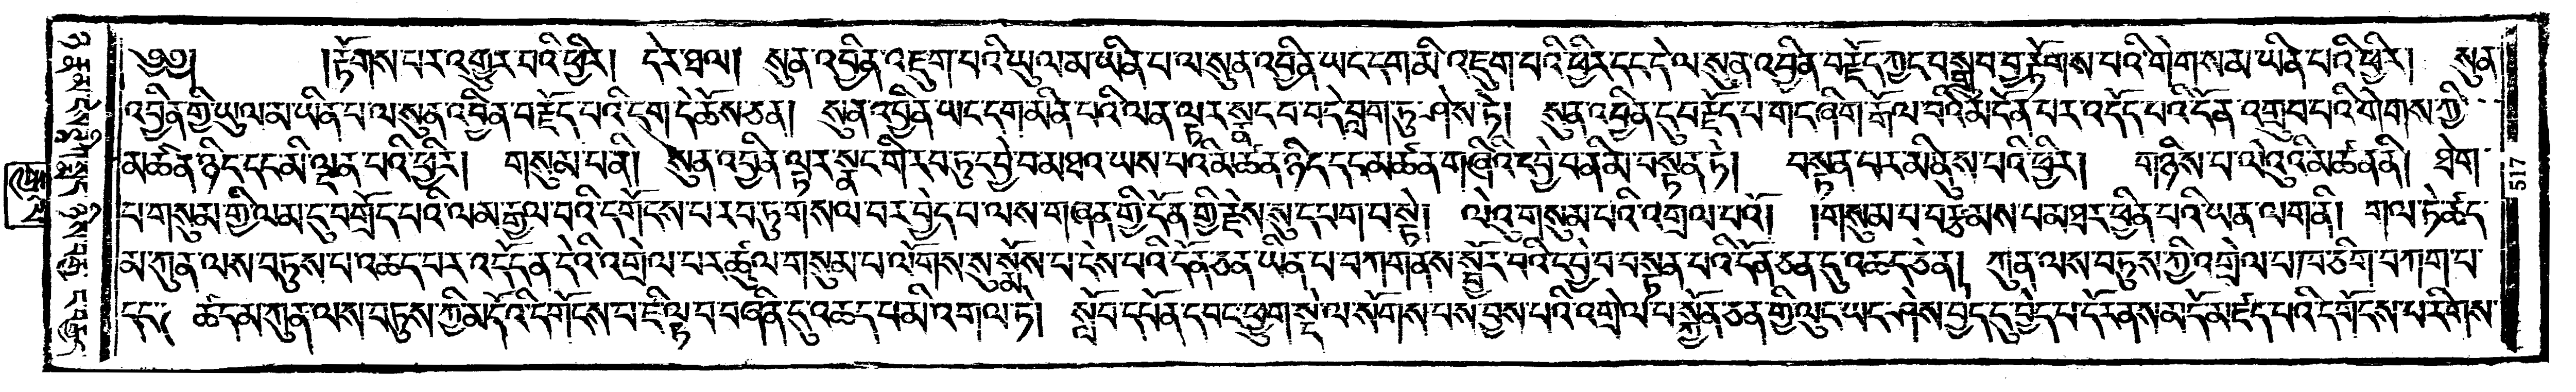༄༅། །རྟོགས་པར་འགྱུར་བའི་ཕྱིར། དེར་ཐལ། སུན་འབྱིན་འཇུག་པའི་ཡུལ་མ་ཡིན་པ་ལ་སུན་འབྱིན་ཡང་དག་མི་འཇུག་པའི་ཕྱིར་དང་དེ་ལ་སུན་འབྱིན་བརྗོད་ཀྱང་བསྒྲུབ་བྱ་རྟོགས་པའི་གེགས་མ་ཡིན་པའི་ཕྱིར། སུན་
འབྱིན་གྱི་ཡུལ་མ་ཡིན་པ་ལ་སུན་འབྱིན་བརྗོད་པའི་དག་དེ་ཆོས་ཅན། སུན་འབྱིན་ཡང་དག་མིན་པའི་ལན་ལྟར་སྣང་བ་བདེ་བླག་ཏུ་ཤེས་ཏེ། སུན་འབྱིན་དུ་བརྗོད་པ་གང་ཞིག་རྒོལ་བའི་མདོན་པར་འདོད་པའི་དོན་འགྲུབ་པའི་གེགས་ཀྱི་
མཚན་ཉིད་དང་མི་ལྡན་པའི་ཕྱིར། གསུམ་པ་ནི། སུན་འབྱིན་ལྟར་སྣང་གི་རབ་ཏུ་དབྱེ་བ་མཐའ་ཡས་པའི་མཚན་ཉིད་དང་མཚན་གཞིའི་དབྱེ་བ་ནི་མ་བསྟན་ཏེ། བསྟན་པར་མི་ནུས་པའི་ཕྱིར། གཉིས་པ་ལེའུའི་མཚན་ནི། ཐེག་
པ་གསུམ་གྱི་ལམ་དུ་བགྲོད་པའི་ལམ་རྒྱལ་བའི་དགོངས་པ་རབ་ཏུ་གསལ་བར་བྱེད་པ་ལས་གཞན་གྱི་དོན་གྱི་རྗེས་སུ་དཔག་པ་སྟེ། ལེའུ་གསུམ་པའི་འགྲལ་པའོ། །གསུམ་པ་བརྩམས་པ་མཐར་ཕྱིན་པའི་ཡན་ལག་ནི། གལ་ཏེ་ཚད་
མ་ཀུན་ལས་བཏུས་པ་འཆད་པར་འདོད་ན་དེའི་འགྲེལ་པར་ཚུལ་གསུམ་པ་ལོགས་སུ་སྨོས་པ་ངེས་པའི་དོན་ཅན་ཡིན་པ་བཀག་ནས་སྦྱོར་བའི་དབྱེ་བ་བསྟན་པའི་དོན་ཅན་དུ་འཆད་ཅེ་ན། ཀུན་ལས་བཏུས་ཀྱི་འགྲེལ་པ་ཁ་ཅིག་བཀག་པ་
དང༑ ཚད་མ་ཀུན་ལས་བཏུས་ཀྱི་མདོའི་དགོངས་པ་ཇི་ལྟ་བ་བཞིན་དུ་འཆད་པ་མི་འགལ་ཏེ། སློབ་དཔོན་དབང་ཕྱུག་སྡེ་ལ་སོགས་པས་བྱས་པའི་འགྲེལ་པ་སྐྱོན་ཅན་གྱི་ལུང་ཡང་ཤེས་བྱེད་དུ་བྱེད་པ་དོར་ནས་མདོ་མཛད་པའི་དགོངས་པ་རིགས་